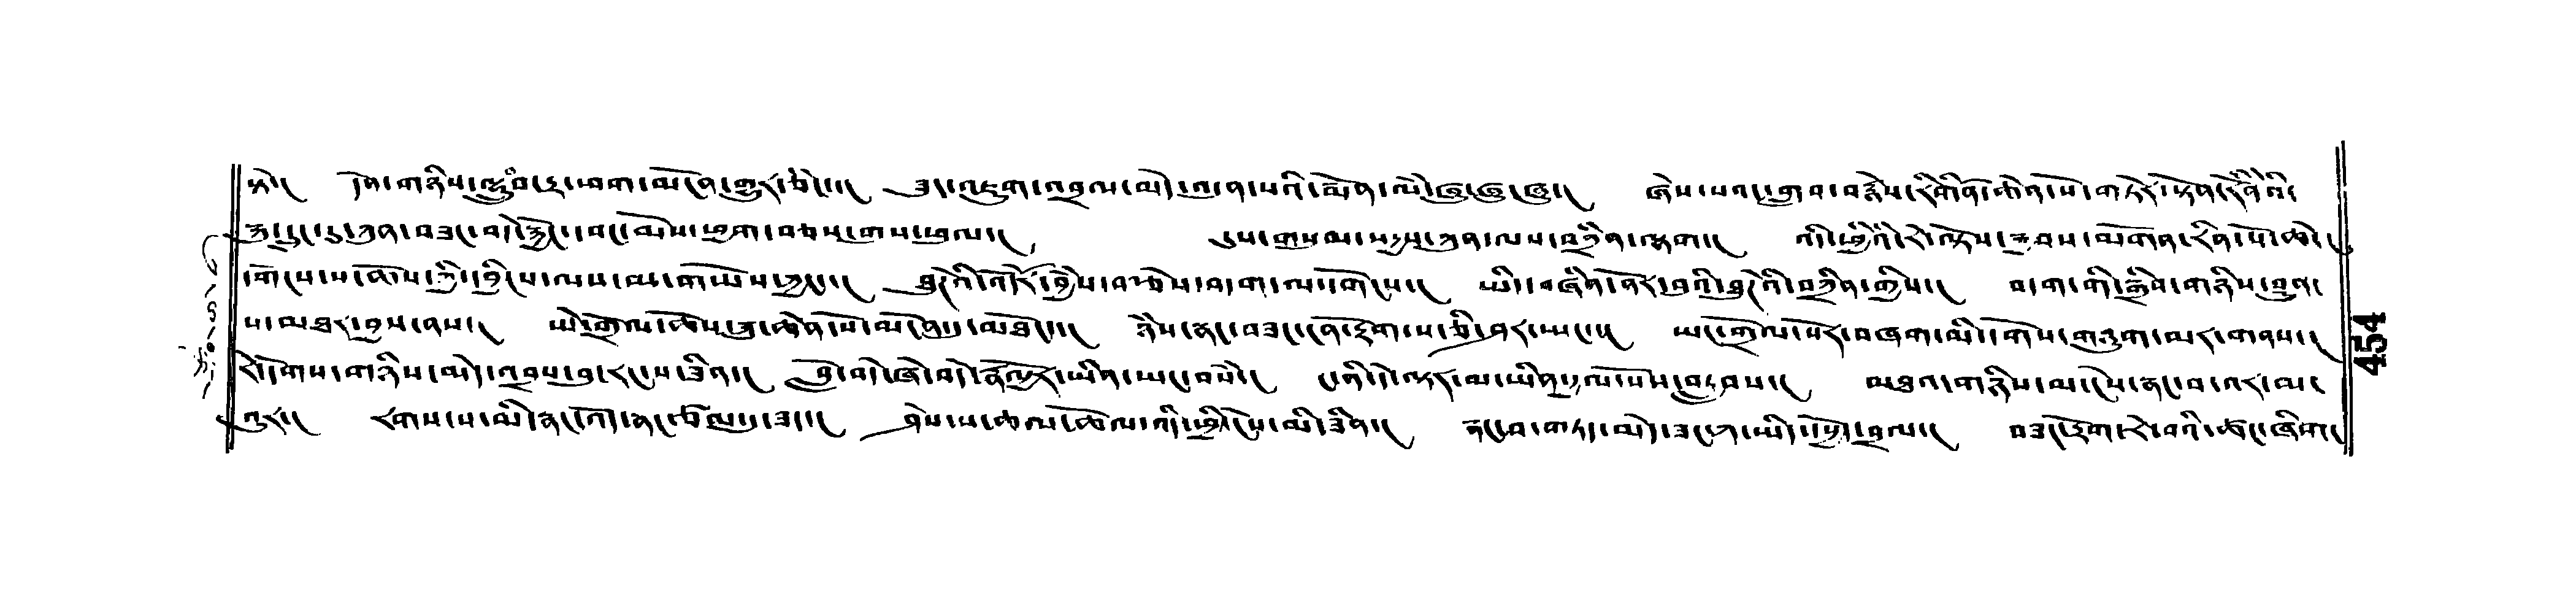སྟེ། །དོན་གཉིས་ལྷུན་གྲུབ་རྟ་ཕག་མངོན་གྱུར་ཅིང་། །ཟུང་འཇུག་འབྲལ་མེད་འདུན་པའི་སྨོན་ལམ་ཞུ་ཞུ་ཞུ། ཞེས་པའང་གྲུབ་བརྙེས་རིག་འཛིན་ཆེན་པོ་གཏེར་སྟོན་རིན་པོ་ཆེའི་
སྐུ་དྲུང་དུ་ཀུན་བཟང་བདེ་སྐྱོང་དབང་མོས་ཕྱག་བཅས་གུས་ཕུལ།། ༈ དུས་གསུམ་སངས་རྒྱས་ཀུན་ལས་བཀའ་དྲིན་ལྷག །འདི་ཕྱིའི་རེ་ལྟོས་སྐྱབས་མགོན་རིན་པོ་ཆེ། །
དགོངས་པ་ཆོས་ཀྱི་དབྱིངས་ལས་མ་གཡོས་ཀྱང་། །ཐུགས་རྗེའི་འོད་ཟེར་བྱམས་བརྩེས་བདག་ལ་དགོངས། །ཡིད་བཞིན་ནོར་བུའི་ཐུགས་རྗེའི་བཀའ་དྲིན་གྱིས། །བདག་གིས་སྒྲིབ་གཉིས་ཤུན་
པ་མཐར་བྱས་ནས། །ཡེ་གྲོལ་ཆོས་སྐུ་ཆེན་པོ་མངོན་དུ་མཐོང་། །ཉམས་སྣང་བཟང་ངན་རྟོག་པ་ཅི་ཤར་ཡང་། །ཡང་གྲོལ་སོར་བཞག་མི་དགོས་གཉུག་མར་གནས། །
རེ་དོགས་གཉིས་མེད་འབྲས་བུ་རང་ས་ཟིན། །བློ་བདེ་ཞེ་བདེ་རྣལ་འབྱོར་ཡིན་ཡང་བསམ། །ང་ནི་དེ་ལྟར་མ་ཡིན་རྒྱལ་པོས་བརླབས། །མཐའ་གཉིས་མ་ངེས་སྣང་བ་འར་མ་
འུར། །རགས་པ་མི་སྣང་འོད་སྣང་ཙམ་དུ་ཟད། །ཤེས་པ་ཆལ་ཆོལ་འདི་ཕྱི་ངོས་མི་ཟིན། །སྣང་བ་གཏད་མེད་ཟང་ཀ་ཡིད་དཔྱོད་བྲལ། །བཟང་རྟོག་རེ་བའི་ཚང་ཞིག་